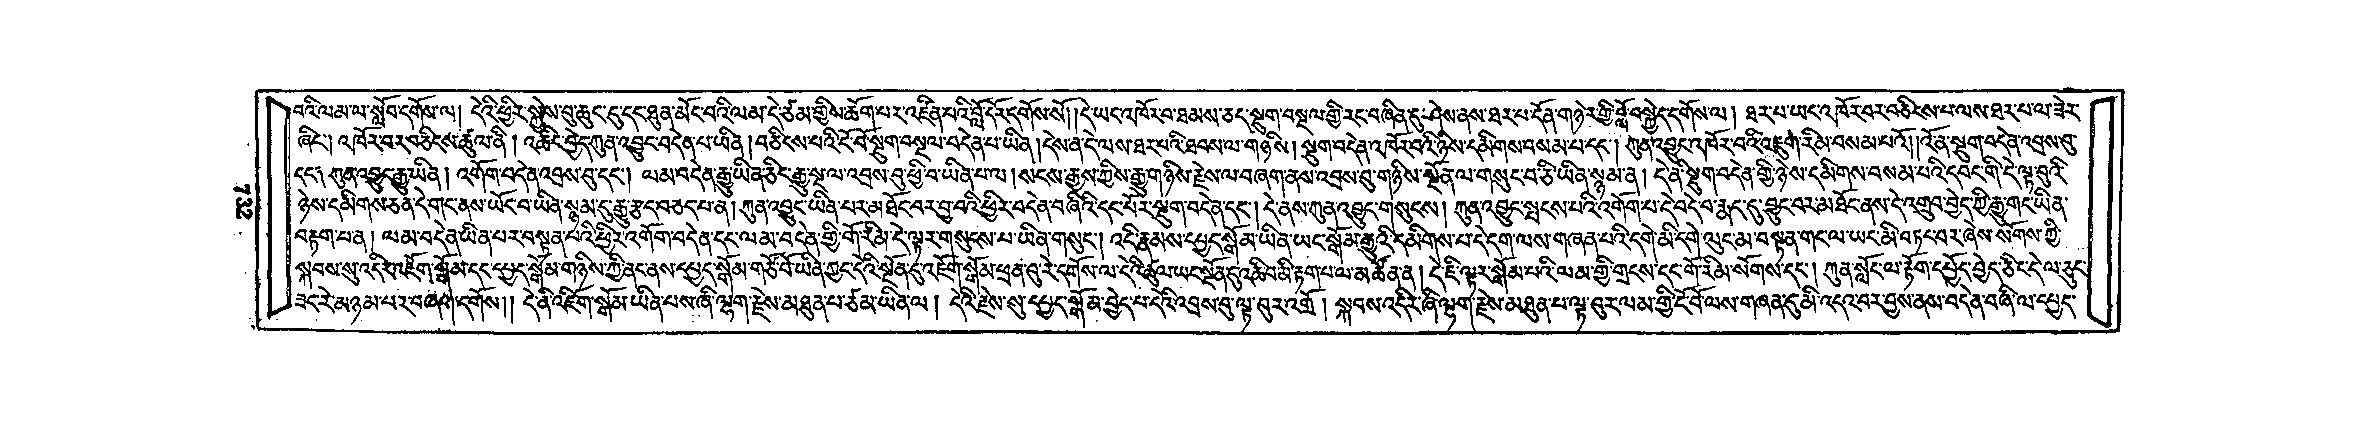བའི་ལམ་ལ་སློབ་དགོས་ལ། དེའི་ཕྱིར་སྐྱེས་བུ་ཆུང་ངུ་དང་ཐུན་མོང་བའི་ལམ་དེ་ཙམ་གྱིས་ཆོག་པར་འཛིན་པའི་བློ་དོར་དགོས་སོ། །དེ་ཡང་འཁོར་བ་ཐམས་ཅད་སྡུག་བསྔལ་གྱི་རང་བཞིན་དུ་ཤེས་ནས་ཐར་པ་དོན་གཉེར་གྱི་བློ་བསྐྱེད་དགོས་ལ། ཐར་པ་ཡང་འཁོར་བར་བཅིངས་པ་ལས་ཐར་པ་ལ་ཟེར་
ཞིང་། འཁོར་བར་བཅིངས་ཚུལ་ནི། འཆིང་བྱེད་ཀུན་འབྱུང་བདེན་པ་ཡིན། བཅིངས་པའི་ངོ་བོ་སྡུག་བསྔལ་བདེན་པ་ཡིན། དེས་ན་དེ་ལས་ཐར་པའི་ཐབས་ལ་གཉིས། སྡུག་བདེན་འཁོར་བའི་ཉིས་དམིགས་བསམ་པ་དང་། ཀུན་འབྱུང་འཁོར་བའི་འཇུག་རིམ་བསམ་པའོ། །འོ་ན་སྡུག་བདེན་འབྲས་བུ་
དང་། ཀུན་འབྱུང་རྒྱུ་ཡིན། འགོག་བདེན་འབྲས་བུ་དང་། ལམ་བདེན་རྒྱུ་ཡིན་ཅིང་རྒྱུ་སྔ་ལ་འབྲས་བུ་ཕྱི་བ་ཡིན་པ་ལ། སངས་རྒྱས་ཀྱིས་རྒྱུ་གཉིས་རྗེས་ལ་བཞག་ནས་འབྲས་བུ་གཉིས་སྔོན་ལ་གསུང་བ་ཅི་ཡིན་སྙམ་ན། དེ་ནི་སྡུག་བདེན་གྱི་ཉེས་དམིགས་བསམ་པའི་དབང་གི་དེ་ལྟ་བུའི་
ཉེས་དམིགས་ཅན་དེ་གང་ནས་ཡོང་བ་ཡིན་སྙམ་དུ་རྒྱུ་རྩད་བཅད་པ་ན། ཀུན་འབྱུང་ཡིན་པར་མཐོང་བར་བྱ་བའི་ཕྱིར་བདེན་བཞིའི་དང་པོར་སྡུག་བདེན་དང་། དེ་ནས་ཀུན་འབྱུང་གསུངས། ཀུན་འབྱུང་སྤངས་པའི་འགོག་པ་དེ་བདེ་བ་རྨད་དུ་བྱུང་བར་མཐོང་ནས་དེ་འགྲུབ་བྱེད་ཀྱི་རྒྱུ་གང་ཡིན་
བརྟག་པ་ན། ལམ་བདེན་ཡིན་པར་བསྟན་པའི་ཕྱིར་འགོག་བདེན་དང་ལམ་བདེན་གྱི་གོ་རིམ་དེ་ལྟར་གསུངས་པ་ཡིན་གསུང་། འདི་རྣམས་དཔྱད་སྒོམ་ཡིན་ཡང་སྒོམ་རྒྱུའི་དམིགས་པ་དེ་དག་ལས་གཞན་པའི་དགེ་མི་དགེ་ལུང་མ་བསྟན་གང་ལ་ཡང་མི་བཏང་བར་ཞེས་སོགས་ཀྱི་
སྐབས་སུ་འདིར་འཇོག་སྒོམ་དང་དཔྱད་སྒོམ་གཉིས་ཀྱི་ནང་ནས་དཔྱད་སྒོམ་གཙོ་བོ་ཡིན་ཀྱང་དེའི་སྔོན་དུ་འཇོག་སྒོམ་ཕྲན་བུ་རེ་དགོས་ལ་དེའི་ཚུལ་ཡང་སྔོན་དུ་འཆི་བ་མི་རྟག་པ་ལ་མཚོན་ན། དེ་ཇི་ལྟར་སྒོམ་པའི་ལམ་གྱི་གྲངས་དང་གོ་རིམ་སོགས་དང་། ཀུན་སློང་ལ་རྟོག་དཔྱོད་བྱེད་ཅིང་དེ་ལ་ཅུང་
ཟང་རེ་མཉམ་པར་བཞག་དགོས། །དེ་ནི་འཇིག་སྒོམ་ཡིན་པས་ཞི་ལྷག་རྗེས་མཐུན་པ་ཙམ་ཡིན་ལ། དེའི་རྗེས་སུ་དཔྱད་སྒོམ་བྱེད་པ་དེའི་འབྲས་བུ་ལྟ་བུར་འགྲོ་།སྐབས་འདིར་ཞི་ལྷག་རྗེས་མཐུན་པ་ལྟ་བུར་ལམ་གྱི་ངོ་བོ་ལས་གཞན་དུ་མི་འདའ་བར་བྱས་ནས་བདེན་བཞི་ལ་དཔྱད་